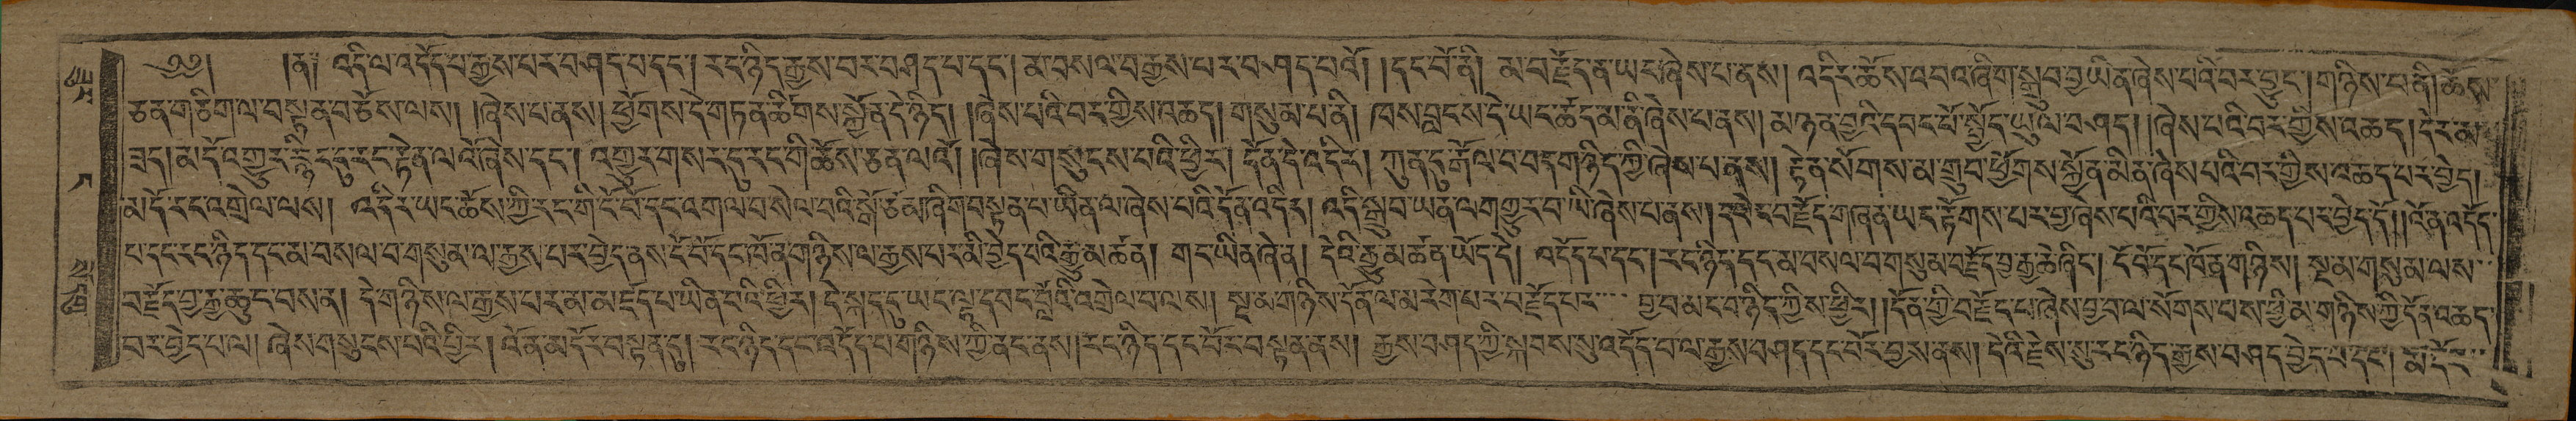༄༅། །ན༑ འདི་ལ་འདོད་པ་རྒྱས་པར་བཤད་པ་དང་། རང་ཉིད་རྒྱས་པར་བཤད་པ་དང་། མ་བསལ་བ་རྒྱས་པར་བཤད་པའོ། །དང་པོ་ནི། མ་བརྗོད་ན་ཡང་ཞེས་པ་ནས། འདིར་ཆོས་འབའ་ཞིག་སྒྲུབ་བྱ་ཡིན་ཞེས་པའི་བར་བྱུང་། གཉིས་པ་ནི། ཆོས་
ཅན་གཅིག་ལ་བསྟན་བཅོས་ལས། །ཞེས་པ་ནས། ཕྱོགས་དེ་གཏན་ཚིགས་སྐྱོན་དེ་ཉིད། །ཞེས་པའི་བར་གྱིས་འཆད། གསུམ་པ་ནི། ཁས་བླངས་དེ་ཡང་ཚད་མ་ནི་ཞེས་པ་ནས། མཉན་བྱའི་དབང་པོ་སྤྱོད་ཡུལ་བཤད། །ཞེས་པའི་བར་གྱིས་འཆད། དེར་མ་
ཟད། མདོ་འགྱུར་རྙིང་དུ་རང་རྟེན་ལའོ་ཞེས་དང་། འགྱུར་གསར་དུ་རང་གི་ཆོས་ཅན་ལའོ། །ཞེས་གསུངས་པའི་ཕྱིར། དོན་དེ་འདིར། ཀུན་དུ་རྒོལ་བ་བདག་ཉིད་ཀྱི་ཞེས་པ་ནས། རྟེན་སོགས་མ་གྲུབ་ཕྱོགས་སྐྱོན་མིན་ཞེས་པའི་བར་གྱིས་འཆད་པར་བྱེད།
མདོ་རང་འགྲེལ་ལས། འདིར་ཡང་ཆོས་ཀྱི་རང་གི་ངོ་བོ་དང་འགལ་བ་སེལ་བའི་སྒོ་ཙམ་ཞིག་བསྟན་པ་ཡིན་ལ་ཞེས་པའི་དོན་འདིར། འདི་སྒྲུབ་ཡན་ལག་གྱུར་བ་ཡི་ཞེས་པ་ནས། དཔེར་བརྗོད་གཞན་ཡང་རྟོགས་པར་བྱ་ཞེས་པའི་བར་གྱིས་འཆད་པར་བྱེད་དོ། །འོ་ན་འདོད་
པ་དང་རང་ཉིད་དང་མ་བསལ་བ་གསུམ་ལ་རྒྱས་པར་བྱེད་ནས་ངོ་བོ་དང་ཁོ་ན་གཉིས་ལ་རྒྱས་པར་མི་བྱེད་པའི་རྒྱུ་མཚན། གང་ཡིན་ཞེ་ན། དེའི་རྒྱུ་མཚན་ཡོད་དེ། འདོད་པ་དང་། རང་ཉིད་དང་མ་བསལ་བ་གསུམ་བརྗོད་བྱ་རྒྱ་ཆེ་ཞིང་། ངོ་བོ་དང་ཁོ་ན་གཉིས། སྔ་མ་གསུམ་ལས་
བརྗོད་བྱ་རྒྱ་ཆུང་བས་ན། དེ་གཉིས་ལ་རྒྱས་པར་མ་མཛད་པ་ཡིན་པའི་ཕྱིར། དེ་སྐད་དུ་ཡང་ལྟ་དབང་བློའི་འགྲེལ་བ་ལས། སྔ་མ་གཉིས་དོན་ལ་མ་རེག་པར་བརྗོད་པར་བྱ་བ་མང་བ་ཉིད་ཀྱིས་ཕྱིར། །དོན་གྱི་བརྗོད་པ་ཞེས་བྱ་བ་ལ་སོགས་པས་ཕྱི་མ་གཉིས་ཀྱི་དོན་འཆད་
བར་བྱེད་པ་ལ། ཞེས་གསུངས་པའི་ཕྱིར། འོ་ན་མདོར་བསྟན་དུ། རང་ཉིད་དང་འདོད་པ་གཉིས་ཀྱི་ནང་ནས། རང་ཉིད་དང་བོར་བསྟན་ནས། རྒྱས་བཤད་ཀྱི་སྐབས་སུ་འདོད་པ་ལ་རྒྱས་བཤད་དང་པོར་བྱས་ནས། དེའི་རྗེས་སུ་རང་ཉིད་རྒྱས་བཤད་བྱེད་པ་དང་། མདོར་